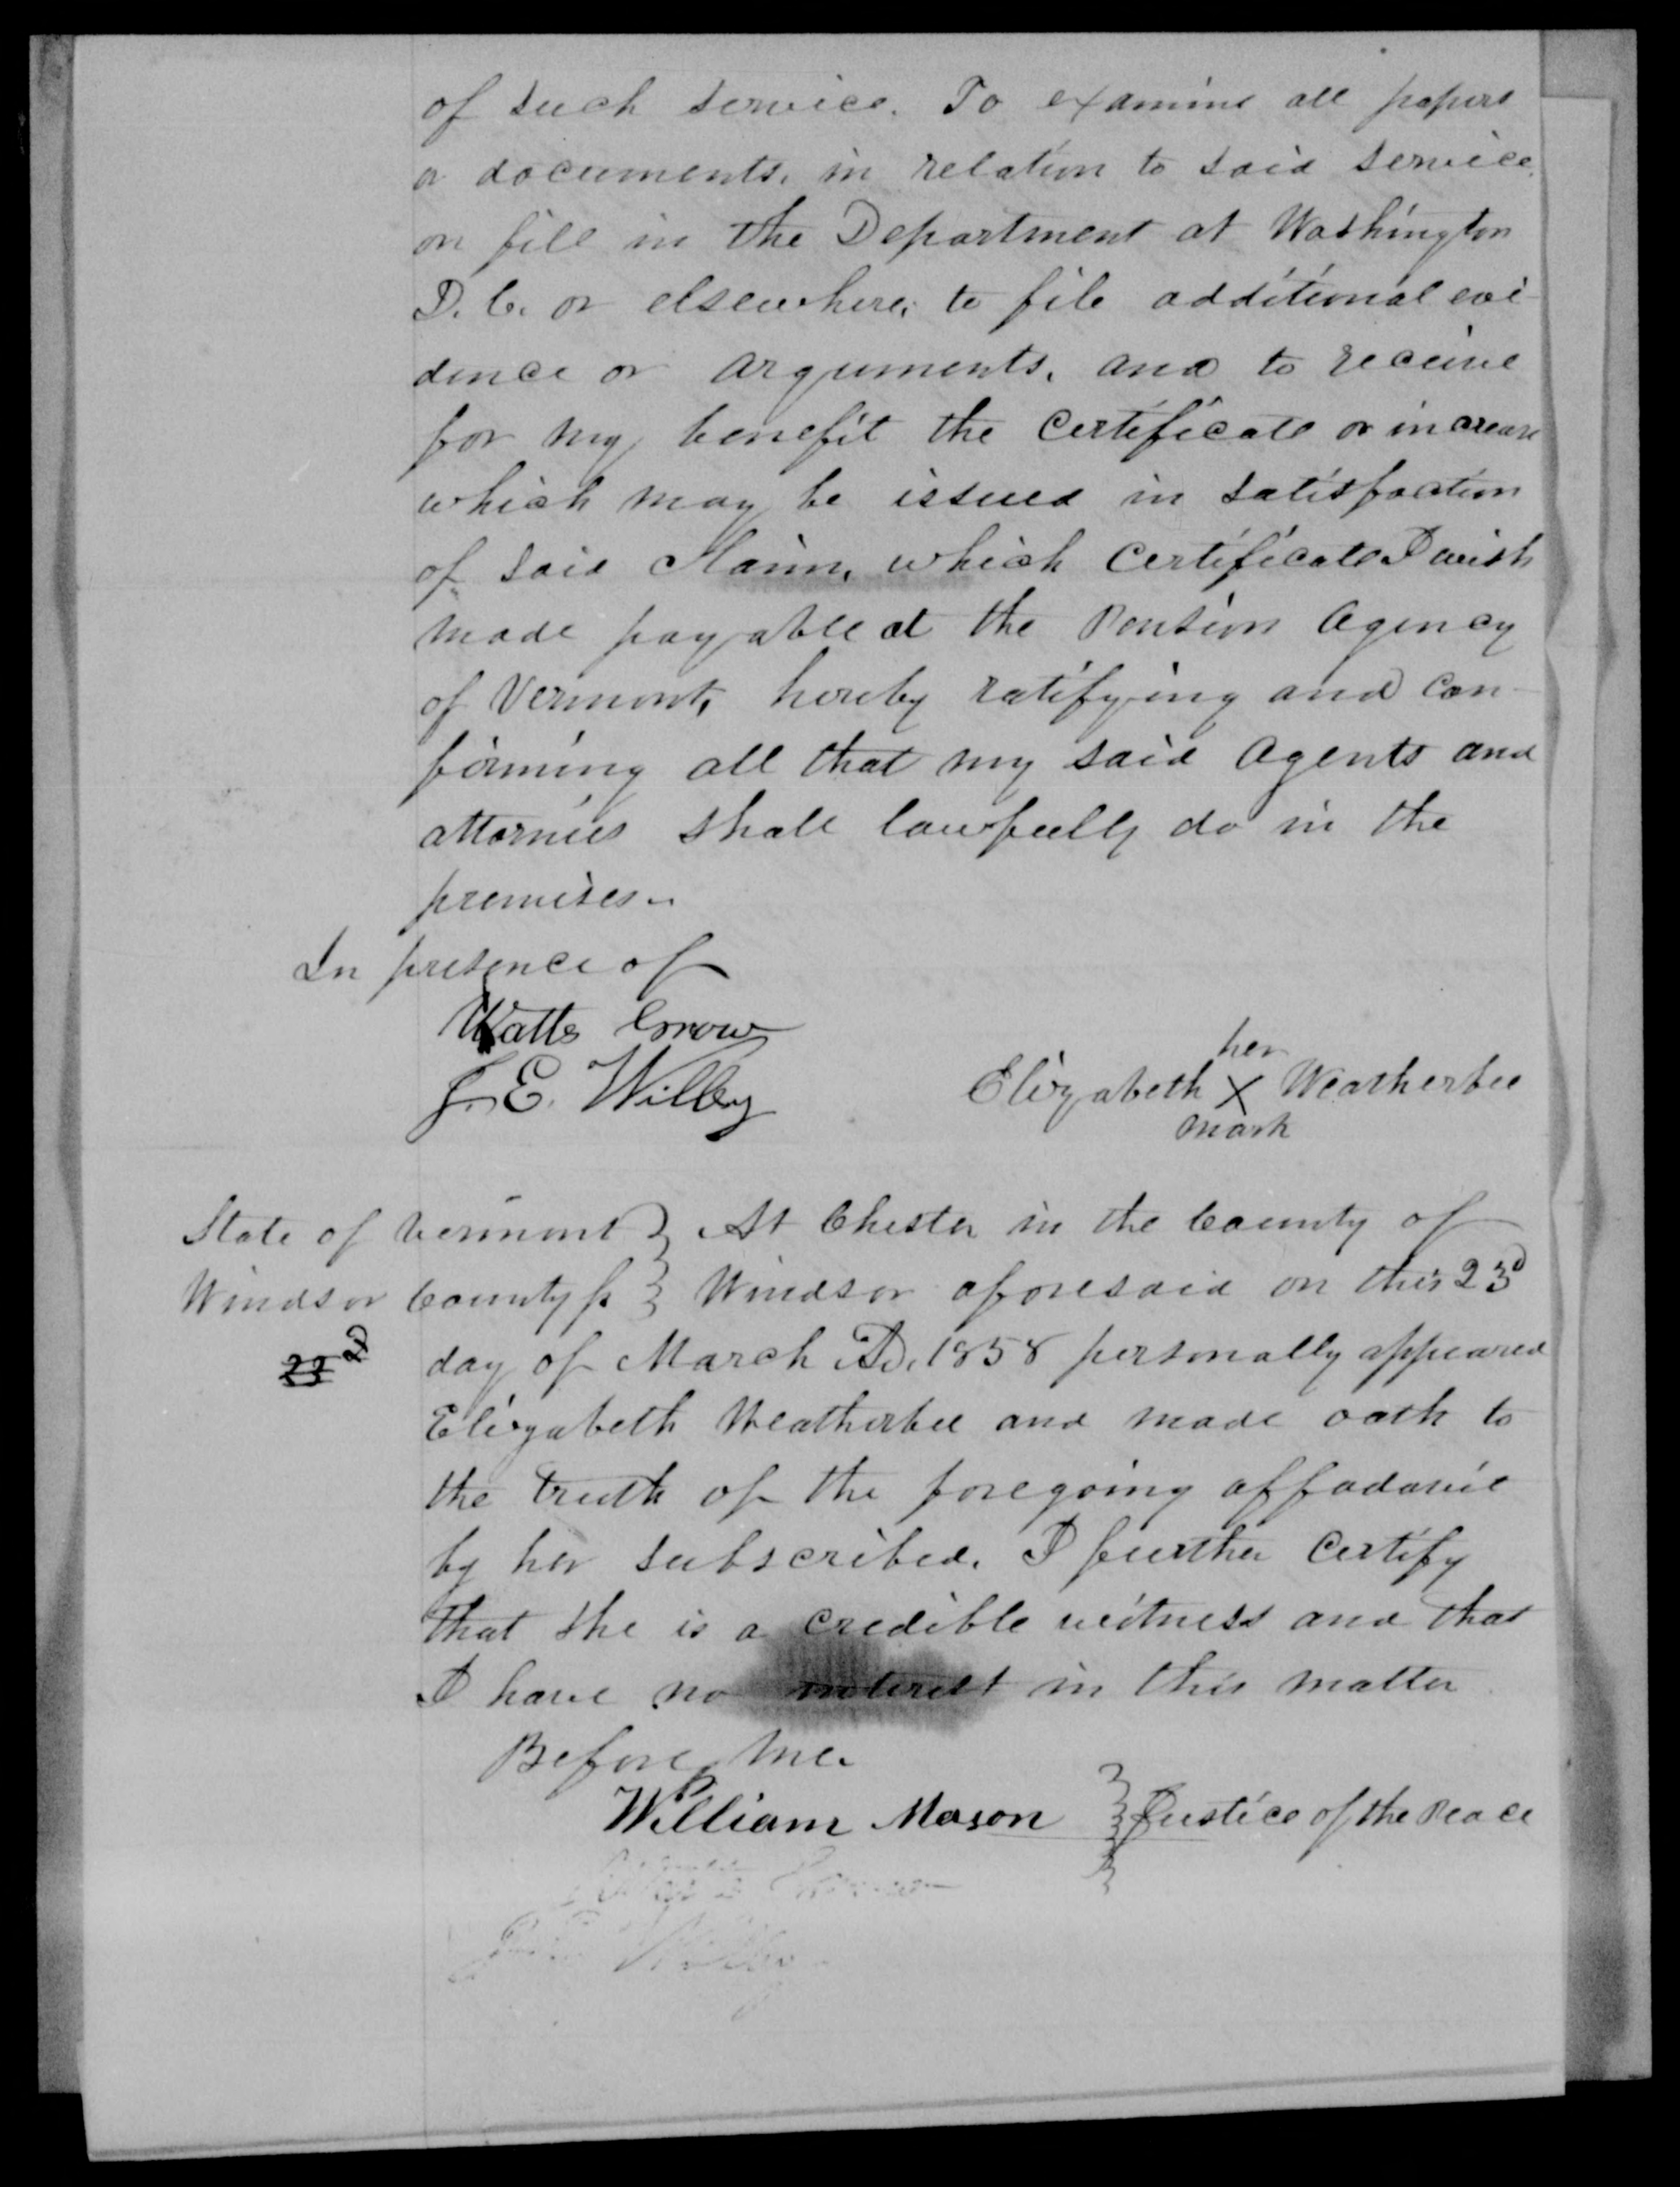of such servies. To examine all papers or documents in relation to said service on file in the Department at Washington D. C. or elsewhere, to file additional evidence or arguments, and to receive for my benefit the certificate or increase which may be issued in satisfaction of said claim, which certificate I wish made payable at the pension agency of Vermont, hereby ratifying and confirming all that my said agents and attornies shall lawfully do in the premises.
Elizabeth  X  Weatherbee
   her mark
In presence of
Watts Grow
J. E. Wilby

State of Vermont
Windsor County SS
At Chester in the county of Windsor aforesaid on this 23d day of march AD 1858 personally appeared Elizabeth Weatherbee and made oath to the truth of the foregoing affadavit by her subscribed. I further certify that she is a credible witness and that I have no interest in this matter.
Before me. William Mason, Justice of the Peace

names: J E Willey, William Mason, Watts Grow, Elizabeth Weatherbee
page: 30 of 66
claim: widow's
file: W. 2468, Amos Wetherbee, Mass.